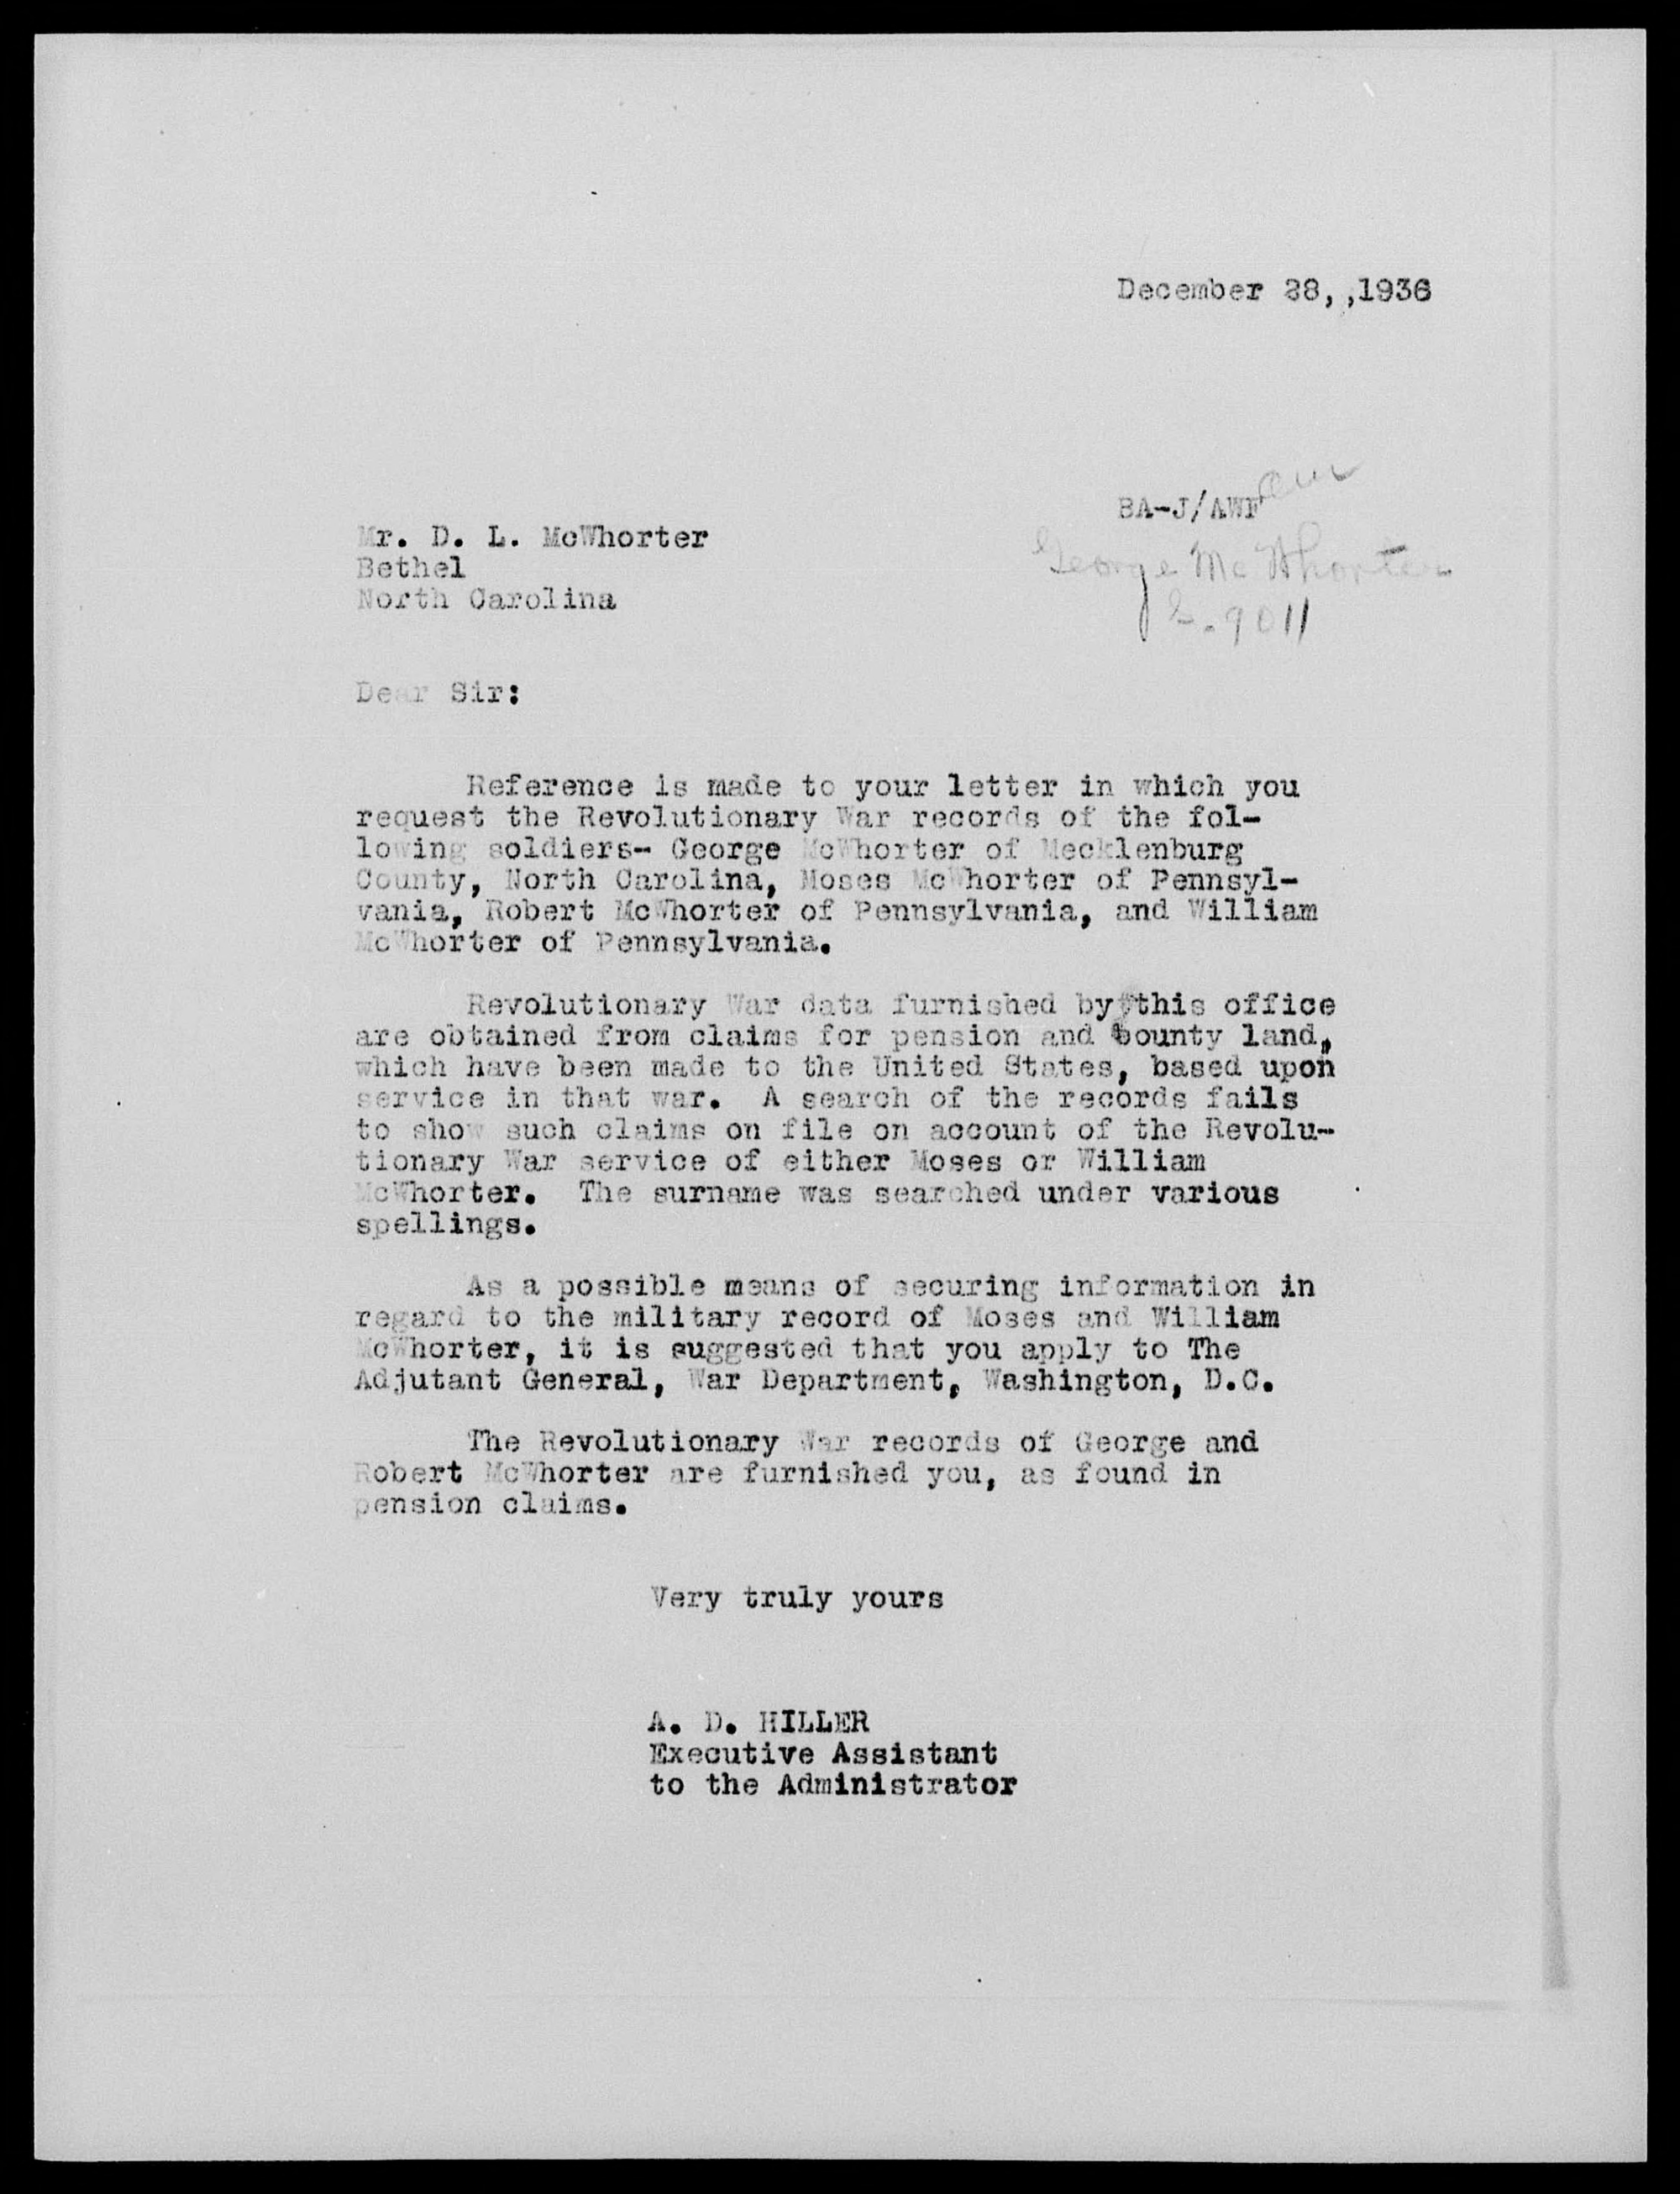Mr. D. L. McWhorter
Bethel
North Carolina
Dear Sir:
December 28, 1936
BA-J/AWF
George McWhorter
2.91
Reference is made to your letter in which you
request the Revolutionary War records of the following
soldiers George McWhorter of Mecklenburg
County, North Carolina, Moses McWhorter of Pennsylvania
, Robert McWhorter of Pennsylvania, and William
horter of Pennsylvania.
Revolutionary War data furnished by this office
are obtained from claims for pension and bounty land,
which have been made to the United States, based upon
service in that war. A search of the records fails
to show such claims on file on account of the Revolutionary
War service of either Moses or William
charter. The surname was searched under various
spellings.
As a possible means of securing information
regard to the military record of Moses and Will
McWhorter, it is suggested that you apply to The Adjutant General, War Department, Washington, D.C.
The Revolutionary War records of George and
Robert McWhorter are furnished you, as found in
pension claims.
Very truly yours
A. D. HILLER
Executive Assistant
to the Administrator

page: 31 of 35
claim: survivor's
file: S. 9,011, for George Mc Whorter, North Carolina